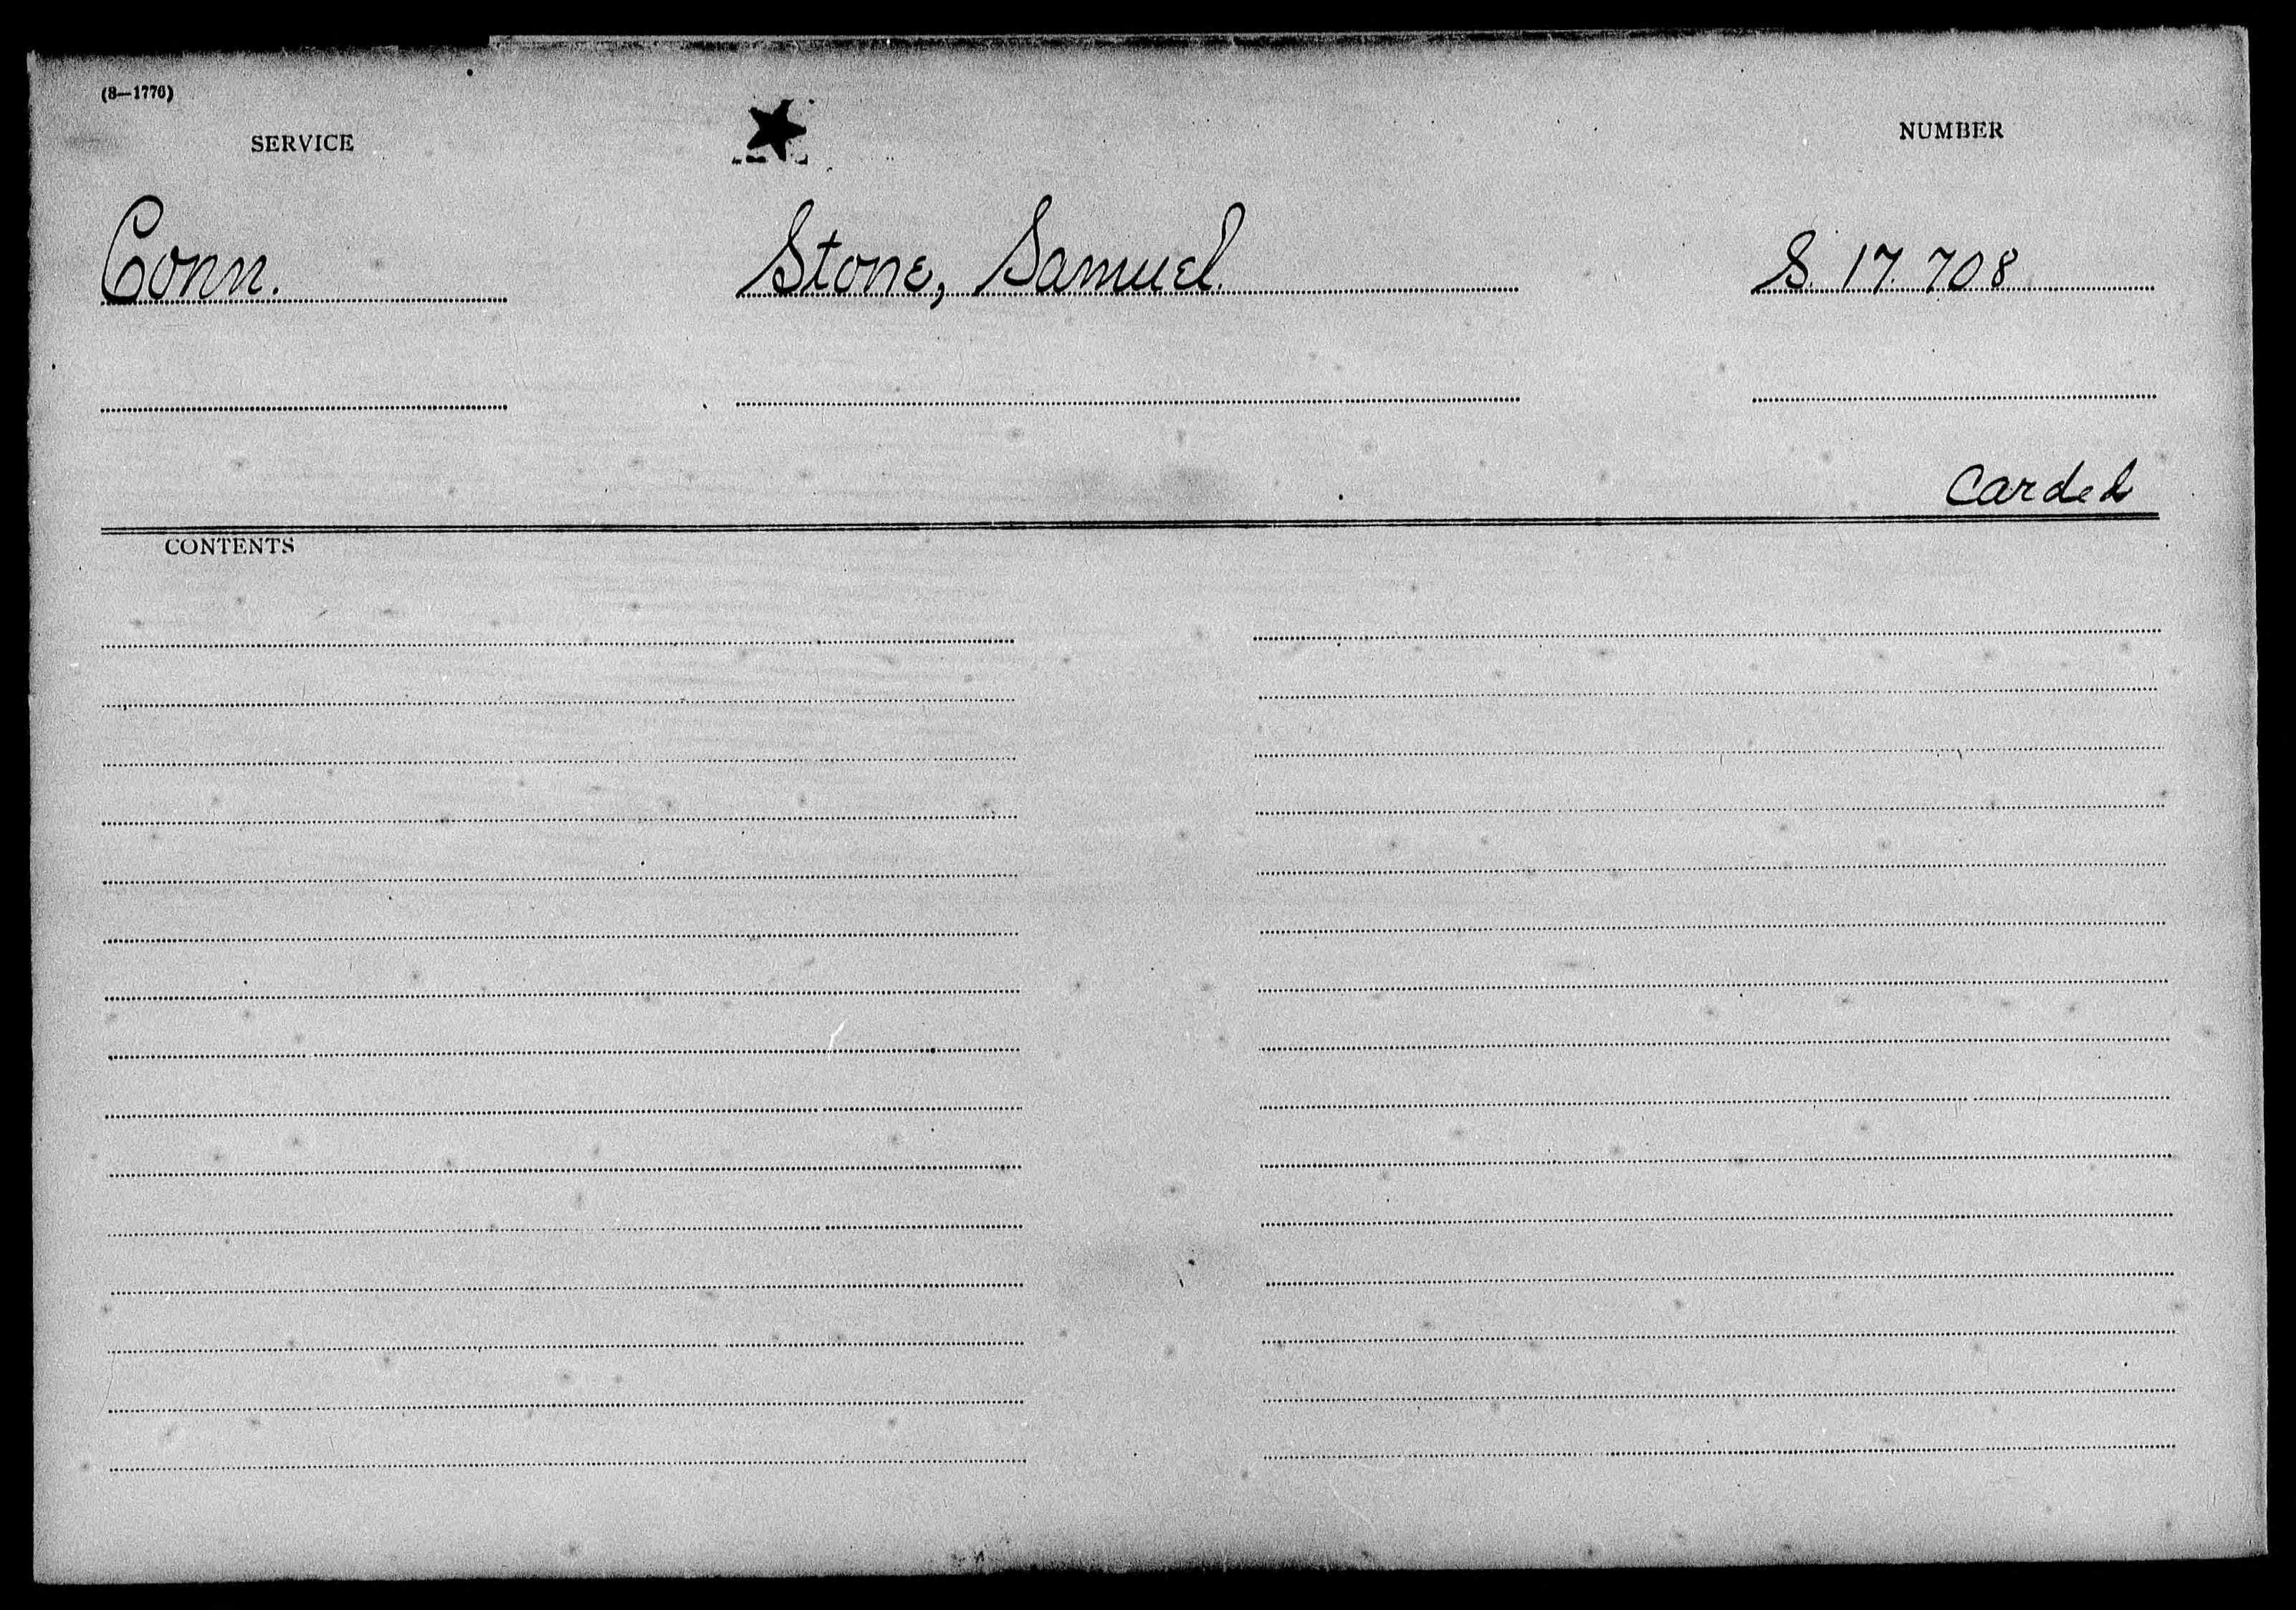(3 - 1776)
SERVICE
Conn.
-
Stone, Samuel

NUMBER
S.17.708
carded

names: [BLANK]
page: 1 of 10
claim: survivor's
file: S. 17,708, for Samuel Stone, Connecticut